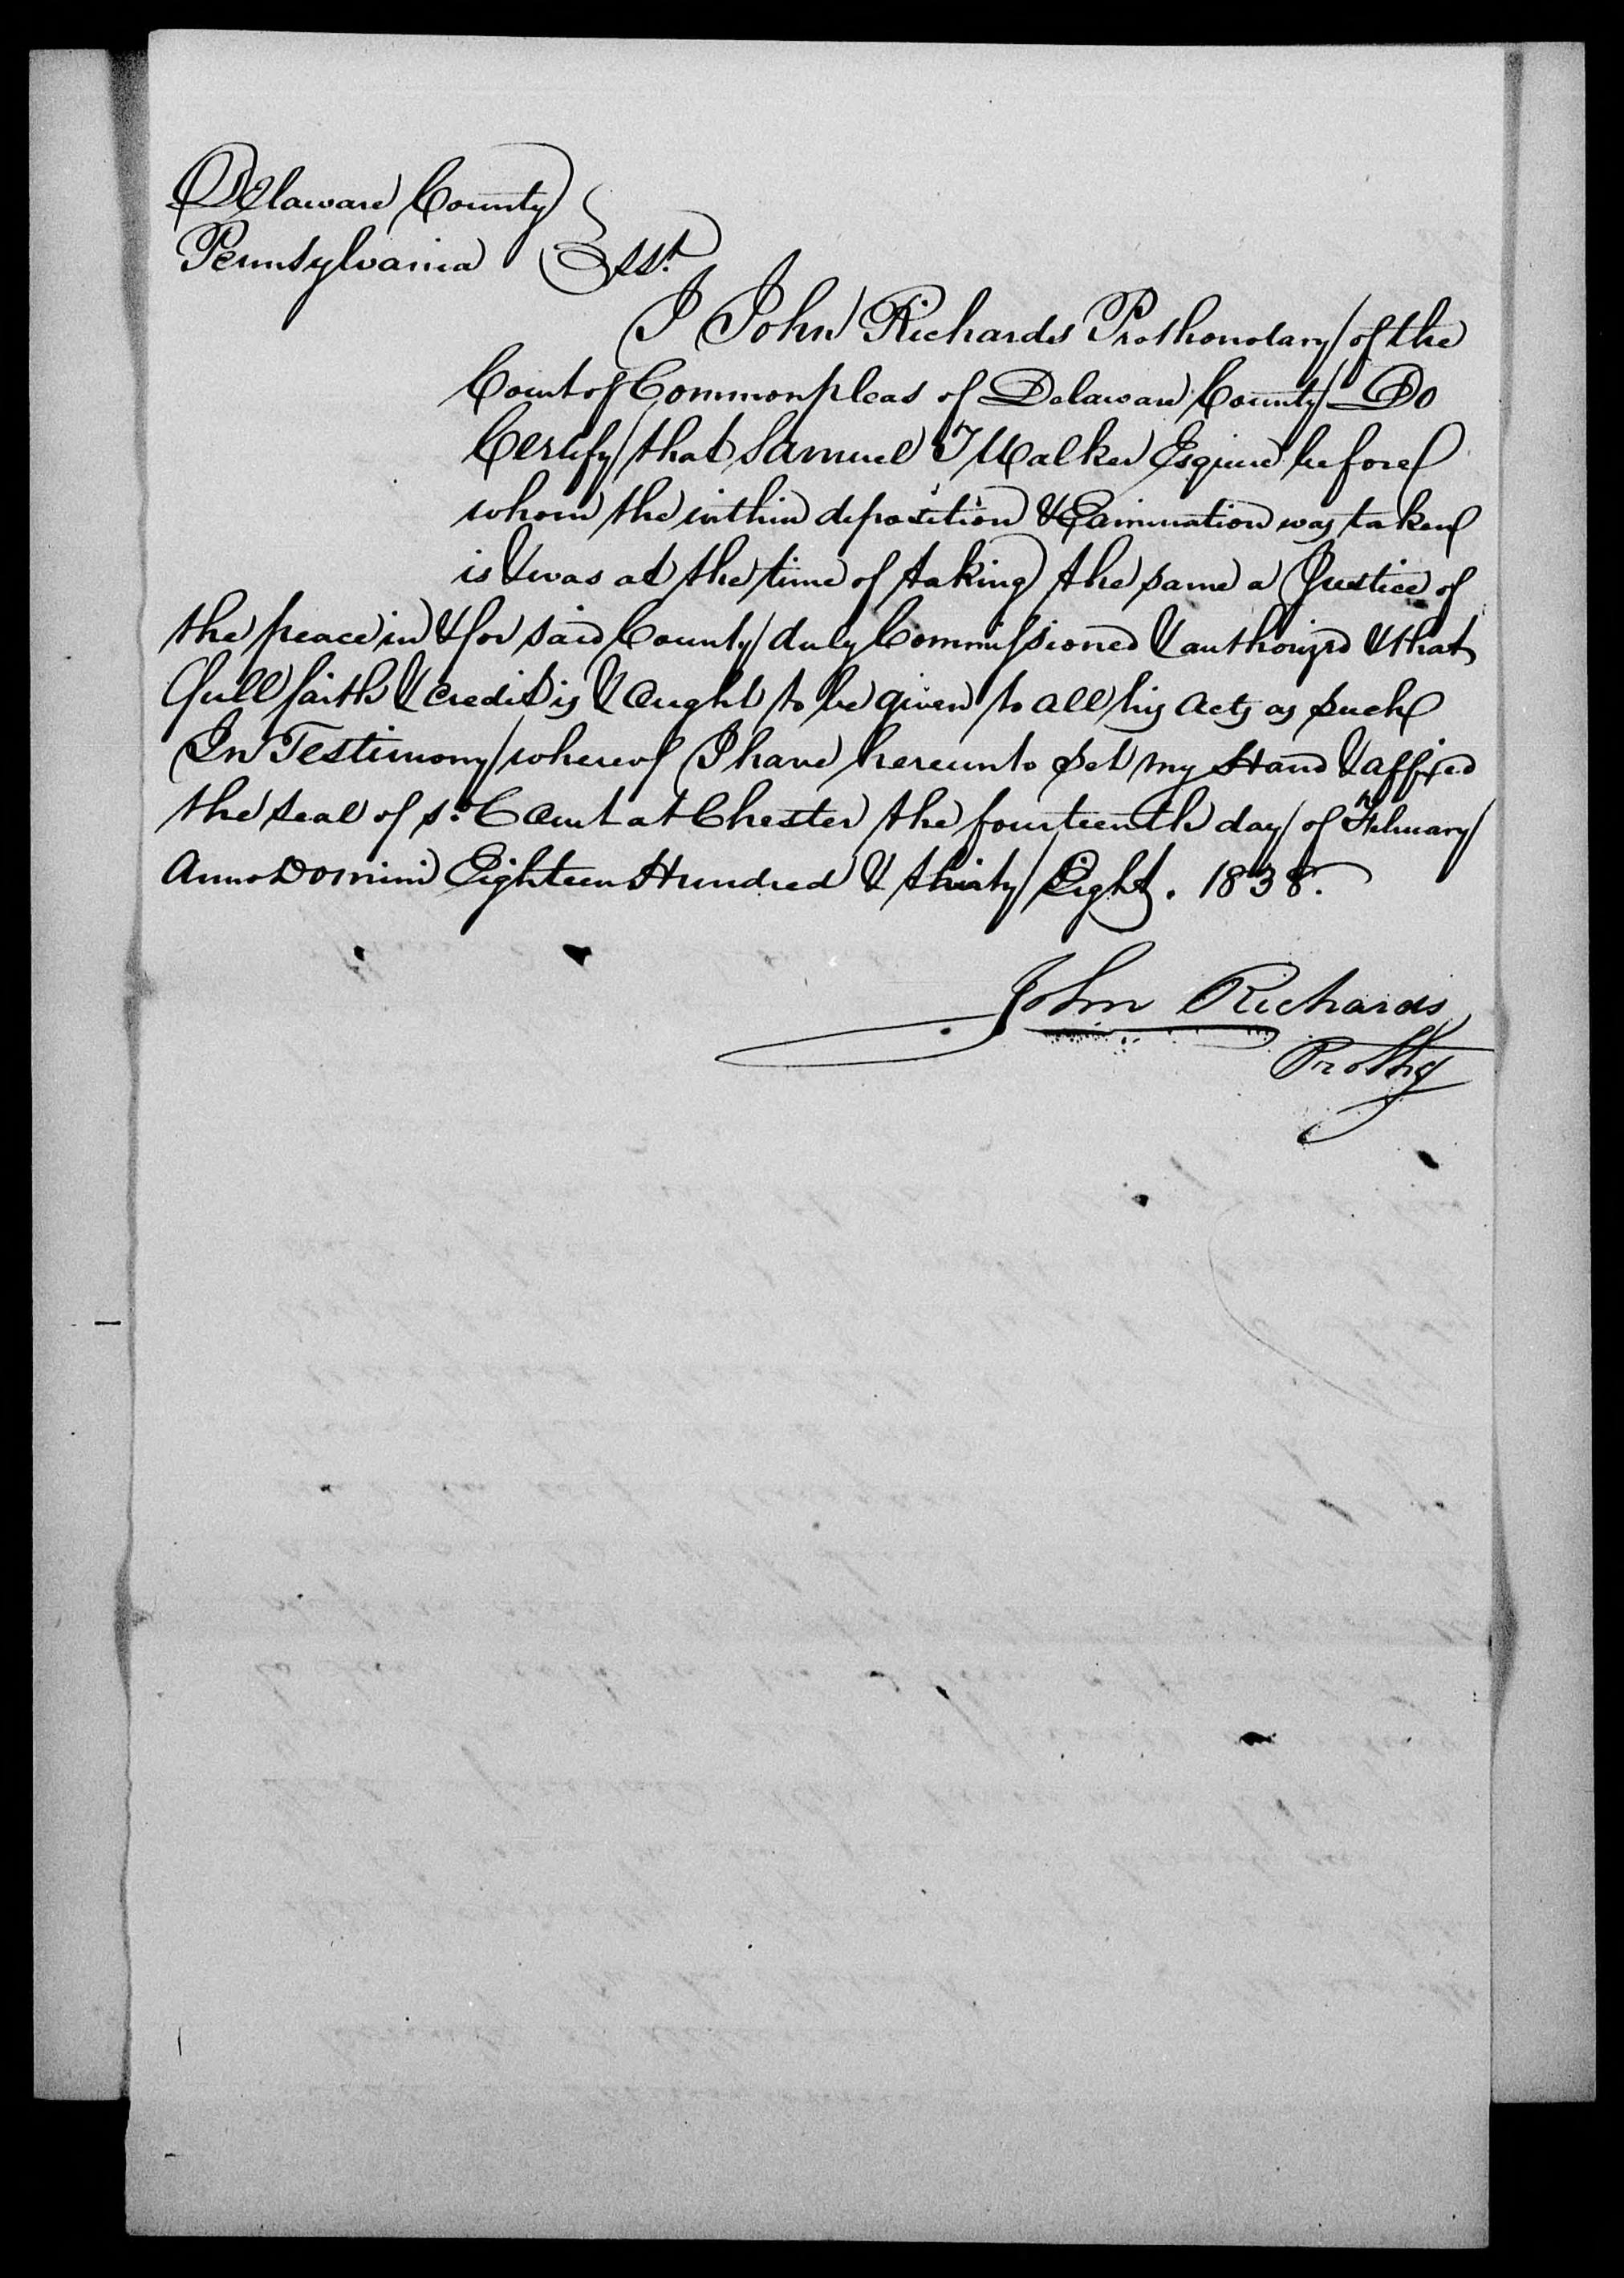Delaware County
Pennsylvania

I John Richards Prothonotary of the Court of Common pleas of Delaware County do certify that Samuel T Walker Esquire before whom the within deposition & examination was taken is & was at the time of taking the same a Justice of the peace in & for said County duly Commissioned & authorized & that full faith & credit is & ought to be given to all his acts as such In Testimony whereof I have hereunto set my hand & affixed the seal of s. Court at Chester the fourteenth day of February Anno Domini Eighteen Hundred & thirty eight. 1838

John Richards Prothy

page: 64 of 86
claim: widow's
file: W. 3571, for David Marshall, Pennsylvania